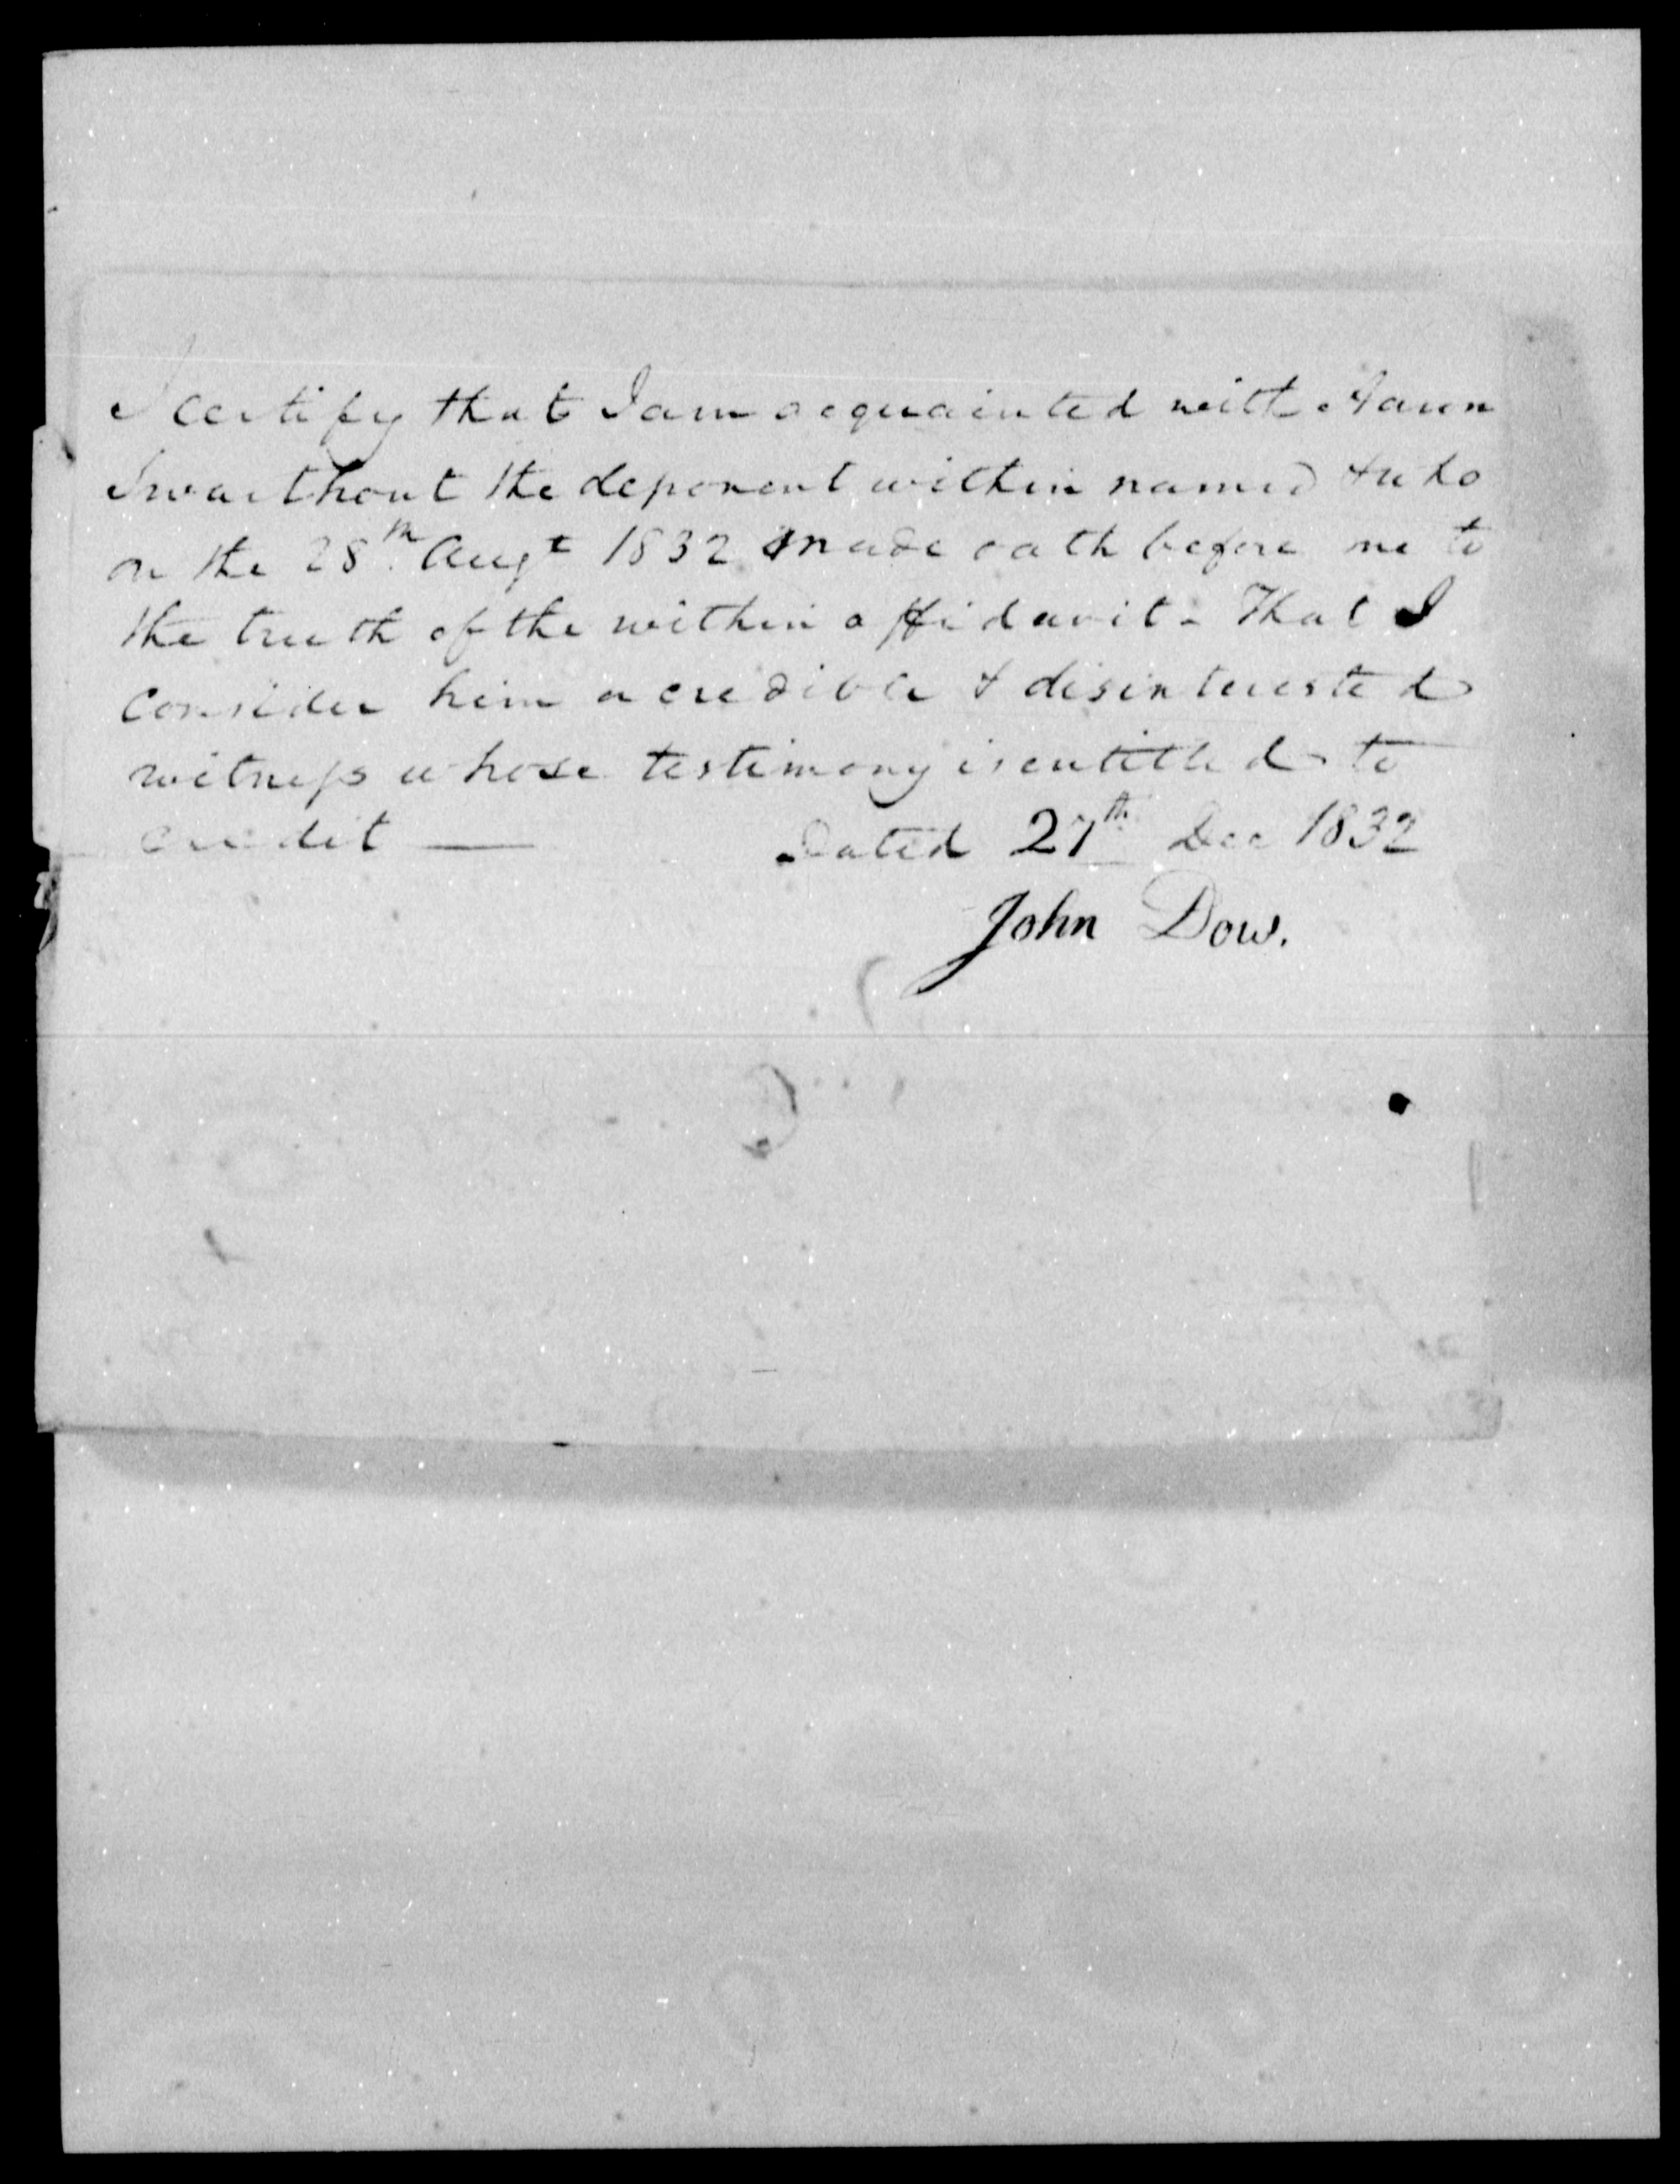I certify that I am acquainted with Aaron Swarthout the deponent within named & who on the 28th Augt 1832 made oath before me to the truth of the within affidavit.  That I consider him a credible & disinterested witness whose testimony is entitled to credit.
Dated 27th Dec 1832
John Dow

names: John Dow; Aaron Swarthout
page: 31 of 57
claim: widow's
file: W. 9,622, for Aaron Redman, Virginia